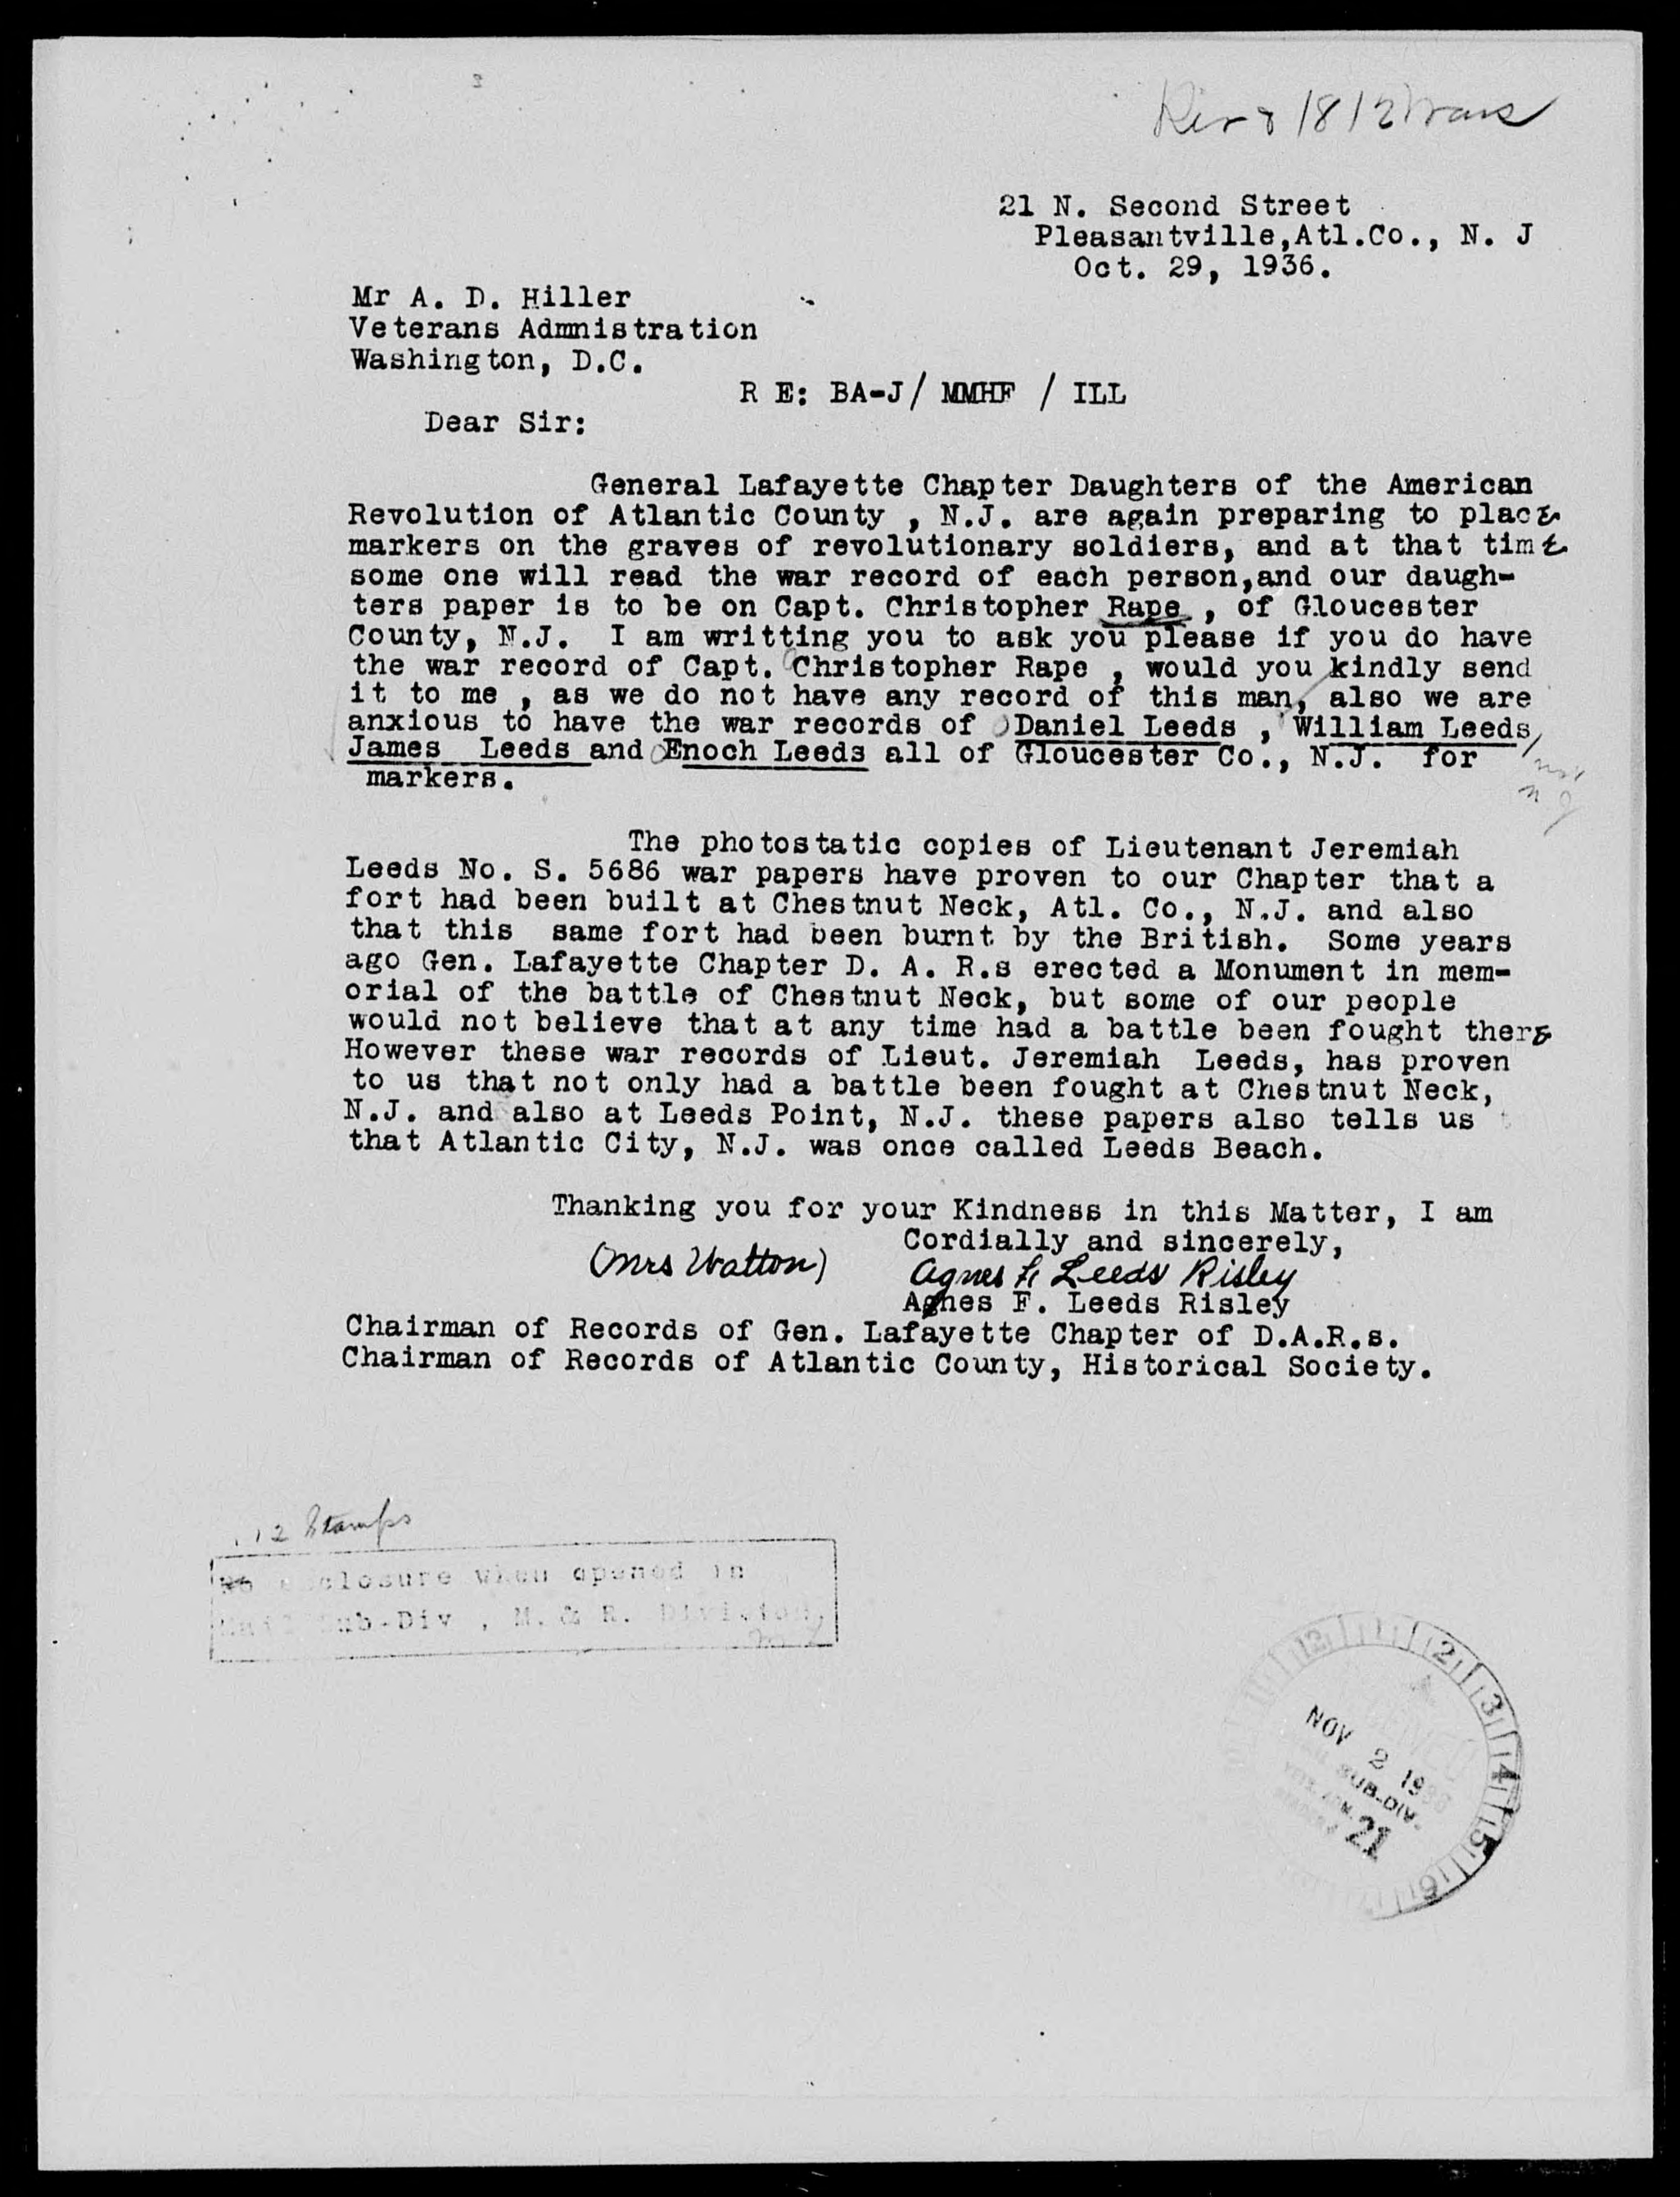[Illegible] 1812 [Illegible]

21 N. Second Street
Pleasantville, Atl. Co., N.J
Oct. 29, 1936.

Mr A.D. Hiller
Veterans Adminstration
Washington, D.C.

R E: BA-J / MMHF / ILL

Dear Sir:

General Lafayette Chapter Daughters of the American Revolution of Atlantic County, J.J. are again preparing to place markers on the graves of revolutionary soldiers, and at that time some one will read the war record of each person, and our daughters paper is to be on Capt. Christopher Rape, of Gloucester County, N.J. I am writting you to ask you please if you do have the war record of Capt. Christopher Rape, would you kindly send it to me, as we do not have any record of this man, also we are anxious to have the war records of Daniel Leeds, William Leeds James Leeds and Enoch Leeds all of Gloucester Co., N.J. for markers.

The photostatic copies of Lieutenant Jeremiah Leeds No. S. 5686 war papers have proven to our Chapter that a fort had been built at Chestnut Neck, Atl. Co., N.J. and also that ths same fort had been burnt by the British. Some years ago Gen. Lafayette Chapter D.A.R.s erected a Monument in memorial of the battle of Chestnut Neck, but some of our people would not believe that at any time had a battle been fought there However these war records of Lieut. Jeremiah Leeds, has proven to us that not only had a battle been fought at Chestnut Neck, N.J. and also at Leeds Point, N.J. these papers also tells us that Atlantic City, N.J. was once called Leeds Beach.

Thanking you for your Kindness in this Matter, I am Cordially and sincerely,

(Mrs Walton)
Agnes F Leeds Risley [Signature]
Agnes F. Leeds Risley[Typed]

Chairman of Records of Gen. Lafayette Chapter of D.A.R.s.
Chairman of Records of Atlantic County, Historical Society.

[Handwritten] 
[illegible] Stamps
[Official stamp]
Disclosure with opened on Mail Sub Div, M. & R. Division
[initials illegible]

[Official stamp]
Circle with numbers on the edge
12  1  2  3  4  5  6
RECEIVED 
NOV 2 1936
SUB DIV.
VETS ADM.  [illegible] 21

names: Daniel Leeds; A D Hiller; Jeremiah Leeds; Christopher Rape; James Leeds; Enoch Leeds; Agnes F Leeds Risley; [BLANK] Lafayette; Walton Risley; William Leeds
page: 25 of 38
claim: survivor's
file: S 31817, for James Leeds, New Jersey